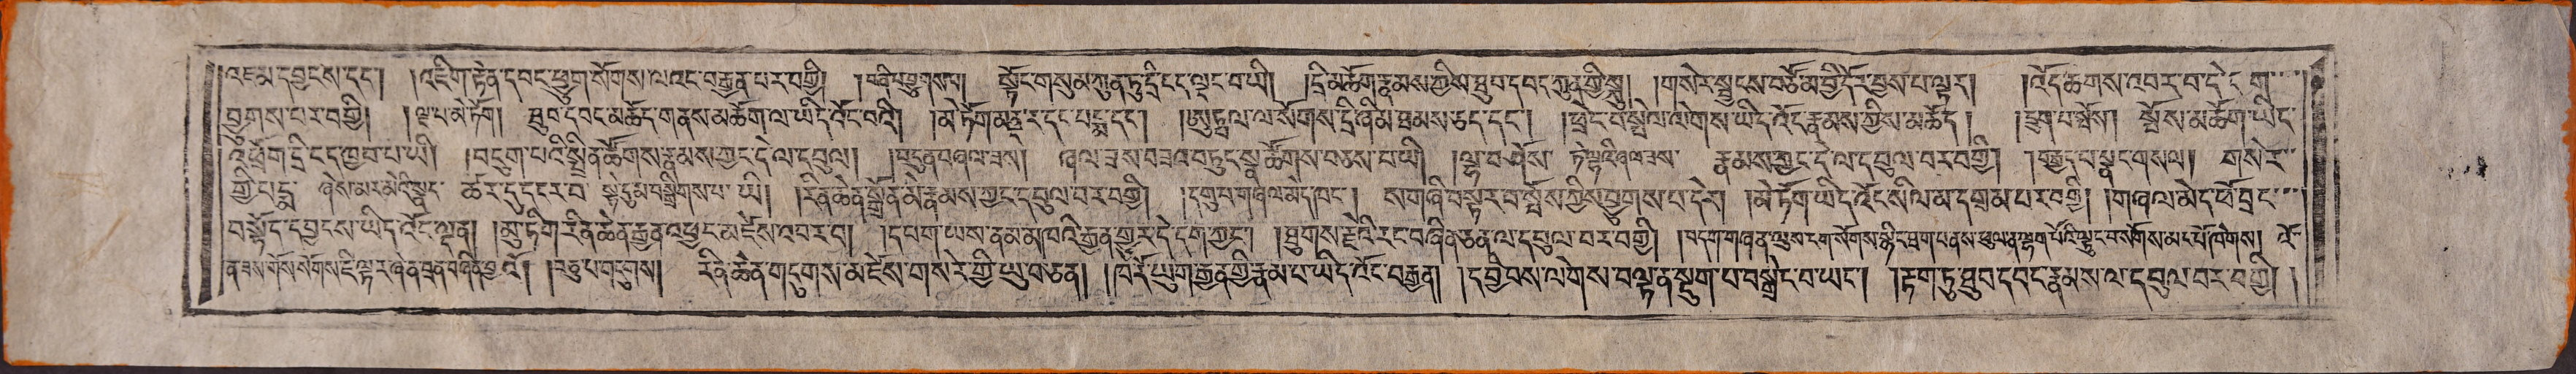འཇམ་དབྱངས་དང་། །འཇིག་རྟེན་དབང་ཕྱུག་སོགས་ལའང་བརྒྱན་པར་བགྱི། །བཞི་བ་བྱུགས་པ།  སྟོང་གསུམ་ཀུན་ཏུ་དྲི་ངད་ལྡང་བ་ཡི། །དྲི་མཆོག་རྣམས་ཀྱིས་ཐུབ་དབང་ཀུན་གྱི་སྐུ། །གསེར་སྦྱངས་བཙོ་མ་བྱི་དོར་བྱས་པ་ལྟར། །འོད་ཆགས་
འབར་བ་དེ་དག་བྱུགས་པར་བགྱི། །ལྔ་པ་མེ་ཏོག།  ཐུབ་དབང་མཆོད་གནས་མཆོག་ལ་ཡིད་འོང་བའི། །མེ་ཏོག་མནྡ་ར་དང་པདམ་དང་། །ཨུཏྤལ་ལ་སོགས་དྲི་ཞིམ་ཐམས་ཅད་དང་། །ཕྲེང་བ་སྤེལ་ལེགས་ཡིད་འོང་རྣམས་ཀྱིས་མཆོད། །དྲུག་པ་སྤོས།
སྤེས་མཆོག་ཡིད་འཕྲོག་དྲི་ངད་ཁྱབ་པ་ཡི། །བདུག་པའི་སྤྲིན་ཚོགས་རྣམས་ཀྱང་དེ་ལ་དབུལ། །བདུན་པ་ཞལ་ཟས།  ཞལ་ཟས་བཟའ་བཏུང་སྣ་ཚོགས་བཅས་པ་ཡི། །ལྷ་བཤོས་ཏེ་ལྷའི་ཞལ་ཟས་རྣམས་ཀྱང་དེ་ལ་དབུལ་བར་བགྱི། །དཔྱད་པ་སྣང་གསལ།
གསེར་གྱི་པདམ་ཞེས་མར་མེའི་སྣད་ཚར་དུ་དང་ར་བ་སྟེ་དུ་མ་བསྒྲིགས་པ་ཡི། །རིན་ཆེན་སྒྲོན་མེ་རྣམས་ཀྱང་དབུལ་བར་བགྱི། །དགུ་པ་གཞལ་མེད་ཁང་། ས་གཞི་བསྟར་བ་སྤོས་ཀྱིས་བྱུགས་པ་དེར། །མེ་ཏོག་ཡིད་འོང་སིལ་མ་དགྲམ་པར་བགྱི། །གཞལ་མེད་ཕོ་བྲང་
བསྟོད་དབྱངས་ཡིད་འོང་ལྡན། །མུ་ཏིག་རིན་ཆེན་རྒྱན་འཕྱང་མཛེས་འབར་བ། །དཔག་ཡས་ནམ་མཁའི་རྒྱན་གྱུར་དེ་དག་ཀྱང་། །ཐུགས་རྗེའི་རང་བཞིན་ཅན་ལ་དབུལ་བར་བགྱི། །བདག་གཞན་ལུས་ངག་སོགས་སྙིང་ཐག་པ་ནས་ཕུལ་ན་ལྷག་པོའི་ལྟུང་བ་སོགས་མང་པོ་ཁེགས། འོ་
ན་ཟས་གོས་སོགས་ཇི་ལྟར་ཞེ་ན་བྲན་བཞིན་བྱ་བའོ། །བཅུ་ལ་གདུགས། རིན་ཆེན་གདུགས་མཛེས་གསེར་གྱི་ཡུ་བ་ཅན། །ཁོར་ཡུག་རྒྱན་གྱི་རྣམ་པ་ཡིད་འོང་བརྒྱན། །དབྱིབས་ལེགས་བལྟ་ན་སྡུག་པ་བསྒྲེང་བ་ཡང་། །རྟག་ཏུ་ཐུབ་དབང་རྣམས་ལ་དབུལ་བར་བགྱི། །